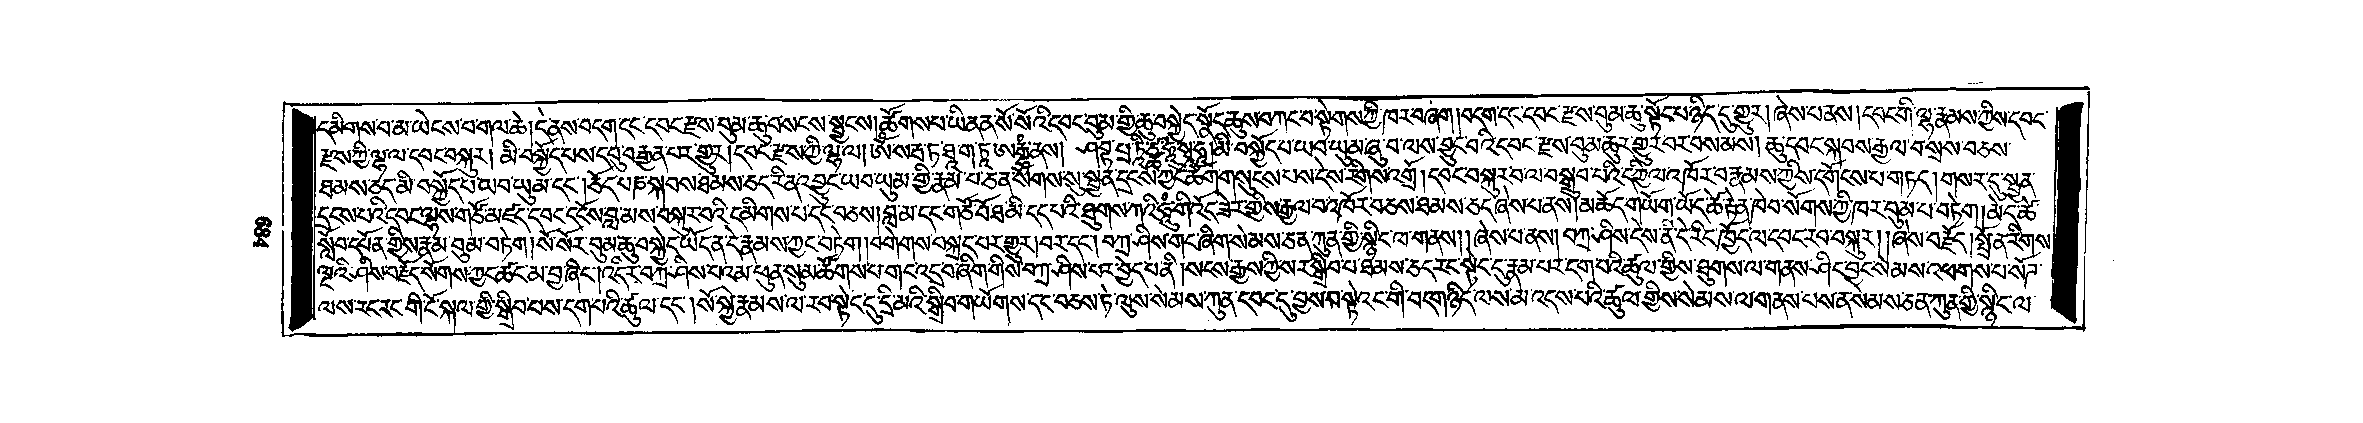དམིགས་པ་མ་ཡེངས་པ་གལ་ཆེ། དེ་ནས་བདག་དང་དབང་རྫས་བུམ་ཆུ་བ་སངས་སྦྱངས། ཚོགས་པ་ཡིན་ན་སོ་སོའི་དབང་བུམ་གྱི་ཆུ་བསྐྱེད་སྣོད་ཆུས་བཀང་བ་སྟེགས་ཀྱི་ཁར་བཞག །བདག་དང་དབང་རྫས་བུམ་ཆུ་སྟོང་པ་ཉིད་དུ་གྱུར། ཞེས་པ་ནས། དབང་གི་ལྷ་རྣམས་ཀྱིས་དབང་
རྫས་ཀྱི་ལྷ་ལ་དབང་བསྐུར། མི་བསྐྱོད་པས་དབུ་བརྒྱན་པར་གྱུར། དབང་རྫས་ཀྱི་ལྷ་ལ། ཨོཾ་སརྦ་ཏ་ཐཱ་ག་ཏཱ་ཨརྒྷཾ་ནས། ཤབཏ་པྲ་ཏཱི་ཙྪ་ཧE་སྭཱ་ཧཱ། མི་བསྐྱོད་པ་ཡབ་ཡུམ་ཞུ་བ་ལས་བྱུང་བའི་དབང་རྫས་བུམ་ཆུར་གྱུར་བར་བསམས། ཆུ་དབང་སྐབས་རྒྱལ་བ་སྲས་བཅས་
ཐམས་ཅད་མི་བསྐྱོད་པ་ཡབ་ཡུམ་དང་། ཅོད་པཎ་སྐབས་ཐམས་ཅད་རིན་འབྱུང་ཡབ་ཡུམ་གྱི་རྣམ་པ་ཅན་སོགས་སུ་སྤྱན་དྲངས་ཀྱང་ཚོག་གསུངས་པས་དེས་རིགས་འགྲོ་།དབང་བསྐུར་བ་ལ་བསྒྲུབ་པའི་དཀྱིལ་འཁོར་བ་རྣམས་ཀྱིས་དགོངས་པ་གཏད། གསར་དུ་སྤྱན་
དྲངས་པའི་དབང་ལྷས་གཙོ་མཛད་དབང་དངོས་བླ་མས་བསྐུར་བའི་དམིགས་པ་དང་བཅས། བླ་མ་དང་གཙོ་བོ་ཐ་མི་དད་པའི་ཐུགས་ཀའི་ཧཱུཾ་གི་འོད་ཟེར་གྱིས་རྒྱལ་བ་འཁོར་བཅས་ཐམས་ཅད་ཞེས་པ་ནས། མཆོད་གཡོག་ཡོད་ཚེ་རྟེན་ཁེབ་སོགས་ཀྱི་ཁར་བུམ་པ་བཏེག །མེད་ཚེ་
སློབ་དཔོན་གྱིས་རྣམ་བུམ་བཏེག །སོ་སོར་བུམ་ཆུ་བསྐྱེད་ཡོད་ན་དེ་རྣམས་ཀྱང་བཏེག །བགེགས་བསྐྲད་པར་གྱུར། བར་དང་། བཀྲ་ཤིས་གང་ཞིག་སེམས་ཅན་ཀུན་གྱི་སྙིང་ལ་གནས། །ཞེས་པ་ནས། བཀྲ་ཤིས་དེས་ནི་དེ་རིང་ཁྱོད་ལ་དབང་རབ་བསྐུར། །ཞེས་བརྗོད། སྤྲོན་རིགས་
ལྔའི་ཤིས་བརྗོད་སོགས་ཀྱང་ཚང་མ་བྱ་ཞིང་། འདིར་བཀྲ་ཤིས་པའམ་ཕུན་སུམ་ཚོགས་པ་གང་འདྲ་བ་ཞིག་གིས་བཀྲ་ཤིས་པར་བྱེད་པ་ནི། སངས་རྒྱས་ཀྱི་སར་སྒྲིབ་པ་ཐམས་ཅད་རང་སྟེང་དུ་རྣམ་པར་དག་པའི་ཚུལ་གྱིས་ཐུགས་ལ་གནས་ཤིང་བྱང་སེམས་འཕགས་པ་སོགས་
ལས་རང་རང་གི་ངོ་སྐལ་གྱི་སྒྲིབ་པས་དག་པའི་ཚུལ་དང་། སོ་སྐྱེ་རྣམས་ལ་རབ་སྟེང་དུ་དྲི་མའི་སྒྲིབ་གཡོགས་དང་བཅས་ཏེ་ལུས་སེམས་ཀུན་དབང་དུ་བྱས་བ་སྟེའང་གི་བདག་ཉིད་ལས་མ་འདས་པའི་ཚུལ་གྱིས་སེམས་ལ་གནས་པས་ན་སེམས་ཅན་ཀུན་གྱི་སྙིང་ལ་